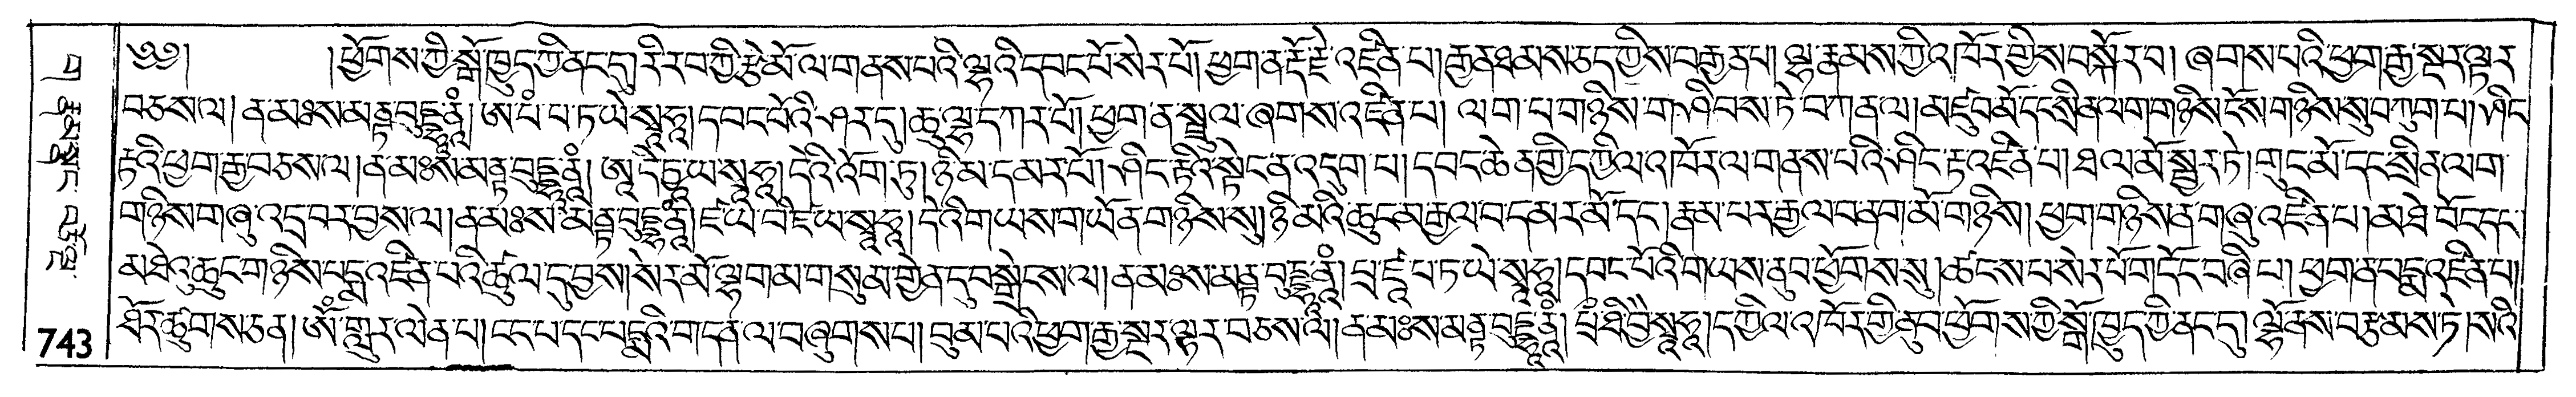༄༅། །ཕྱོགས་ཀྱི་སྒོ་ཁྱུད་ཀྱི་ནང་དུ། རི་རབ་ཀྱི་རྩེ་མོ་ལ་གནས་པའི་ལྷའི་དབང་པོ་སེར་པོ། ཕྱག་ན་རྡོ་རྗེ་འཛིན་པ། རྒྱན་ཐམས་ཅད་ཀྱིས་བརྒྱན་པ། ལྷ་རྣམས་ཀྱི་འཁོར་གྱིས་བསྐོར་བ། ཞགས་པའི་ཕྱག་རྒྱ་སྔར་ལྟར་
བཅས་ལ། ན་མཿ ས་མནྟ་བུདྡྷཱ་ནཱཾ། ཨ་པཾ་པ་ཏ་ཡེ་སྭཱཧཱ། དབང་པོའི་ཤར་དུ། ཆུ་ལྷ་དཀར་པོ། ཕྱག་ན་སྦྲུལ་ཞགས་འཛིན་པ། ལག་པ་གཉིས་གཤིབས་ཏེ་བཀན་ལ། མཛུབ་མོ་དང་སྲིན་ལག་གཉིས་ངོས་གཉིས་སུ་བཀུག་པ། ཤིང་
རྟའི་ཕྱག་རྒྱ་བཅས་ལ། ན་མཿ ས་མནྟ་བུདྡྷཱ་ནཱཾ། ཨཱ་དི་ཏྱཱ་ཡ་སྭཱཧཱ། དེའི་འོག་ཏུ། ཉི་མ་དམར་པོ། ཤིང་རྟའི་སྟེང་ན་འདུག་པ། དབང་ཆེན་གྱི་དཀྱིལ་འཁོར་ལ་གནས་པའི་ཤིང་རྟ་འཛིན་པ། ཐལ་མོ་སྦྱར་ཏེ། གུང་མོ་དང་སྲིན་ལག་
གཉིས་གཞུ་འདྲ་བར་བྱས་ལ། ན་མཿ ས་མནྟ་བུདྡྷ་ནཱཾ། ཛ་ཡ་བི་ཛ་ཡ་སྭཱཧཱ། དེའི་གཡས་གཡོན་གཉིས་སུ། ཉི་མའི་ཆུང་མ་རྒྱལ་བ་དམར་མོ་དང་། རྣམ་པར་རྒྱལ་བ་ནག་མོ་གཉིས། ཕྱག་གཉིས་ན་གཞུ་འཛིན་པ། མཐེ་བོང་དང་
མཐེའུ་ཆུང་གཉིས་པདམ་འཛིན་པའི་ཚུལ་དུ་བྱས། སེར་མོ་ལྷག་མ་གསུམ་གྱེན་དུ་བསྒྲེངས་ལ། ན་མཿ ས་མནྟ་བུདྡྷཱ་ནཱཾ། པྲ་ཛཱ་པ་ཏ་ཡེ་སྭཱཧཱ། དབང་པོའི་གཡས་ནུབ་ཕྱོགས་སུ། ཚངས་པ་སེར་པོ་གདོང་བཞི་པ། ཕྱག་ན་པདམ་འཛིན་པ།
ཐོར་ཚུགས་ཅན། ཨོཾ་གླུར་ལེན་པ། ངང་པ་དང་པདམའི་གདན་ལ་བཞུགས་པ། བུམ་པའི་ཕྱག་རྒྱ་སྔར་ལྷར་བཅས་ལ། ན་མཿ ས་མནྟ་བུདྡྷཱ་ནཱཾ། པྲྀ་ཐི་བྱཻ་སྭཱཧཱ། དཀྱིལ་འཁོར་གྱི་ནུབ་ཕྱོགས་ཀྱི་སྒོ་ཁྱུད་ཀྱི་ནང་དུ། ལྷོ་ནས་བརྩམས་ཏེ། སའི་